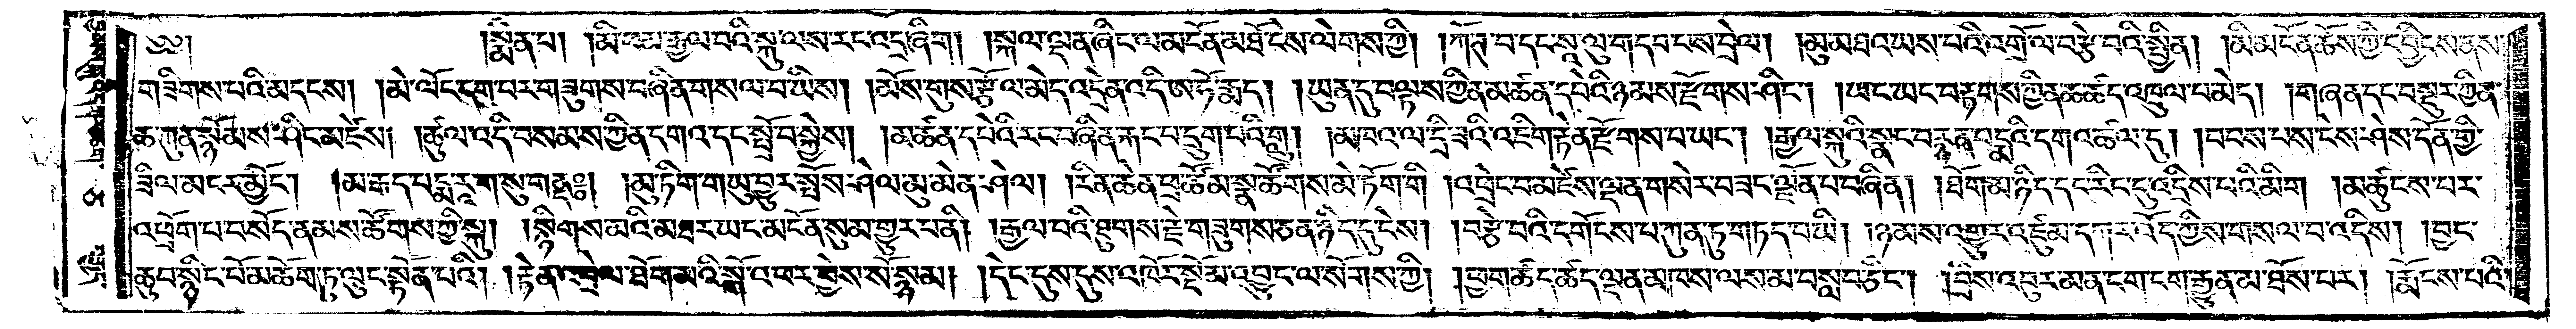༄༅། །སྨིན་པ། །མི་ཕམ་རྒྱལ་བའི་སྐུ་ལས་རང་འདྲ་ཞིག། །སྐལ་ལྡན་ཞིང་ལ་མངོན་མཐོ་ངེས་ལེགས་ཀྱི། །ཀོ་ཊ་བ་དང་སཱ་ལུ་གདབ་པས་བྲེལ། །མུ་མཐའ་ཡས་པའི་འགྲོ་ལ་བརྩེ་བའི་སྦྱིན། །མི་མངོན་ཆོས་ཀྱི་དབྱིངས་ནས་
གཟིགས་པའི་མདངས། །མེ་ལོང་དག་པར་གཟུགས་བཞིན་གསལ་བ་ཡིས། །མོས་གུས་རྩོལ་མེད་འདྲེན་འདི་ཨ་ཧོ་རྨད། །ཡུན་དུ་བལྟས་ཀྱིན་མཚན་དཔེའི་ཉམས་རྫོགས་ཤིང་། །ཡང་ཡང་བརྟགས་ཀྱིན་ཆ་ཚད་འཁྲུལ་པ་མེད། །གཞན་དང་བསྡུར་ཀྱིན་
ཆ་ཀུན་སྙོམས་ཤིང་མཛེས། །ཚུལ་འདི་བསམས་ཀྱིན་དགའ་དང་སྤྲོབ་སྐྱེས། །མཚན་དཔེའི་རང་བཞིན་རྐང་པ་དྲུག་པའི་གླུ། །མཁའ་ལ་དྲི་ཟའི་འཇིག་རྟེན་རྫོགས་པ་ཡང་། །རྒྱལ་སྐུའི་སྣང་བརྙན་པདམའི་དགའ་ཚལ་དུ། །བབས་པས་ངེས་ཤེས་དོན་གྱི་
ཟིལ་མ་བར་མྱོང་། །མ་རྒད་པདམ་རཱ་ག་སུ་གནྡཿ། །མུ་ཏིག་གཡུ་བྱུར་སྤོས་ཤེལ་མུ་མེན་ཤེལ། །རིན་ཆེན་ཕྲ་ཚོམ་སྣ་ཚོགས་མེ་ཏོག་གི།འཕྲེང་བ་མཛེས་ལྡན་གསེར་བཟང་ལྗོན་པ་བཞིན། །ཐོག་མ་ཉིད་དང་རིང་དུ་འདྲིས་པའི་མིག། མཚུངས་པར་
འཕྲོག་པ་བསོད་ནམས་ཚོགས་ཀྱི་སྐུ། །སྙིགས་མའི་མཐར་ཡང་མངོན་སུམ་གྱུར་པ་ནི། །རྒྱལ་བའི་ཐུགས་རྗེ་གཟུགས་ཅན་ཉིད་དུ་ངེས། །བརྩེ་བའི་དགོངས་པ་ཀུན་ཏུ་གཏད་པ་ཡི། །ཉམས་འགྱུར་འཛུམ་དཀར་འོད་ཀྱིས་གསལ་བ་འདིས། །བྱང་
ཆུབ་སྙིང་པོ་མཆོག་ཏུ་ལུང་སྟོན་པའི། །རྟེན་འབྲེལ་ཐོག་མའི་སྒོ་འཕར་ཕྱེས་སོ་སྙམ། །དེང་དུས་དུས་འཁོར་སྔོམ་འབྱུང་ལ་སོགས་ཀྱི། །ཕྱག་ཚད་ཚད་ལྡན་མཁས་ལས་མ་བསླབ་ཅིང་། །བྲིས་འབུར་མན་ངག་ངག་རྒྱུན་མ་ཐོས་པར། །རྨོངས་པའི་